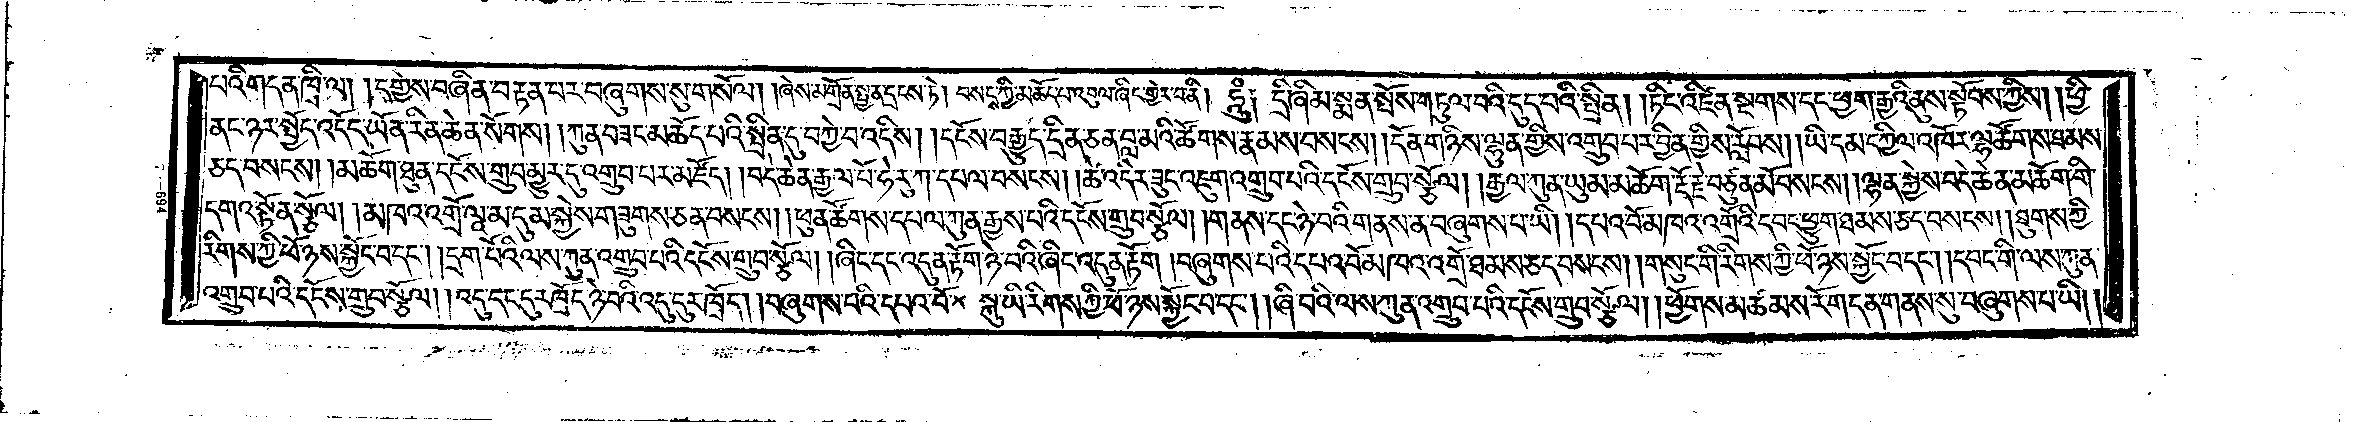པའི་གདན་ཁྲི་ལ། །དགྱེས་བཞིན་བརྟན་པར་བཞུགས་སུ་གསོ། །ཞེས་མགོན་སྤྱན་དྲངས་ཏེ། བསངས་ཀྱི་མཆོད་པ་འབུལ་ཞིང་གྱེར་བ་ནི། ཧཱུཾ། དྲི་ཞིམ་སྨན་སྤོས་གཏུལ་པའི་དུད་པའི་སྤྲིན། །ཏིང་འཛིན་སྔགས་དང་ཕྱག་རྒྱའི་ནུས་སྟོབས་ཀྱིས། །ཕྱི་
ནང་ཉེར་སྤྱོད་འདོད་ཡོན་རིན་ཆེན་སོགས། །ཀུན་བཟང་མཆོད་པ་སྤྲིན་དུ་བཀྱེ་བ་འདིས། །དངོས་བརྒྱུད་དྲིན་ཅན་བླ་མའི་ཚོགས་རྣམས་བསངས། །དོན་གཉིས་ལྷུན་གྱིས་འགྲུབ་པར་བྱིན་གྱིས་རློབས། །ཡི་དམ་དཀྱིལ་འཁོར་ལྷ་ཚོགས་ཐམས་
ཅད་བསངས། །མཆོག་ཐུན་དངོས་གྲུབ་མྱུར་དུ་འ་གྲུབ་པར་མཛོད། །བདེ་ཆེན་རྒྱལ་པོ་ཧེ་རུ་ཀ་དཔ་བསངས། ཚེ་འདིར་ཟུང་འཇུག་འགྲུབ་པའི་དངོས་གྲུབ་སྩོལ། །རྒྱལ་ཀུན་ཡུམ་མཆོག་རྡོ་རྗེ་བཙུན་མོ་བསངས། །ལྷན་སྐྱེས་བདེ་ཆེན་མཆོག་གི་
དགའ་སྟོན་སྩོལ། །མཁའ་འགྲོ་ལཱ་མ་དུམ་སྐྱེས་གཟུགས་ཅན་བསངས། །ཕུན་ཚུགས་དཔལ་ཀུན་རྒྱས་པའི་དངོས་གྲུབ་སྩོལ། །གནས་དང་ཉེ་བའི་གནས་ན་བཞུགས་པ་ཡི། །དཔ་བོ་མཁའ་འགྲོའི་དབང་ཕྱུག་ཐམས་ཅད་བསངས། །ཐུགས་ཀྱི་
རིགས་ཀྱི་ཕོ་ཉས་སྐྱོང་བ་དང་། །དྲག་པོའི་ལས་ཀུན་འགྲུབ་པའི་དངོས་གྲུབ་སྩོལ། །ཞིང་དང་འདུན་རྟོག་ཉེ་བའི་ཞིང་བདུན་རྟོག །བཞུགས་པའི་དཔའ་བོ་མཁའ་འགྲོ་ཐམས་ཅད་བསངས། །གསུང་གི་རིགས་ཀྱི་ཕོ་ཉས་སྐྱོང་བ་དང་། །དབང་གི་ལས་ཀུན་
འགྲུབ་པའི་དངོས་གྲུབ་སྩོལ། །འདུ་དང་དུར་ཁྲོད་ཉེ་བར་འདུ་དུར་ཁྲོད། །བཞུག་པའི་དཔའ་བོ་྾་སྐུ་ཡི་རིགས་ཀྱི་ཕོ་ཉས་སྐྱོང་བ་དང་། །ཞི་བའི་ལས་ཀུན་འགྲུབ་པའི་དངོས་གྲུབ་སྩོལ་། །ཕྱོགས་མཚམས་རོ་གདོན་གནས་སུ་བཞུགས་པ་ཡི། །